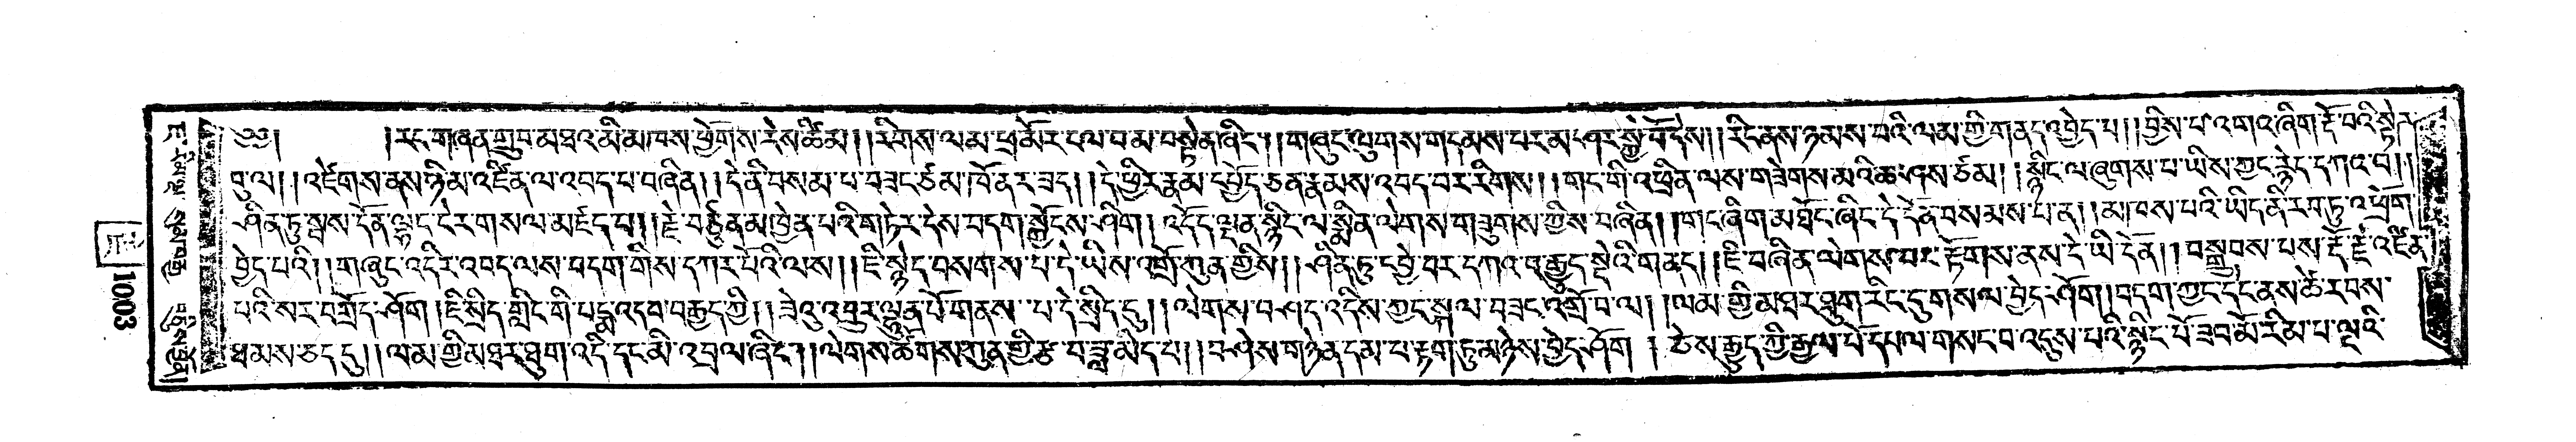༄༅། །རང་གཞན་གྲུབ་མཐའ་མི་ཁས་ཕྱོགས་རེས་ཚིམ། །རིགས་ལམ་ཕྲ་མོར་ངལ་བ་མ་བསྟེན་ཞིང་། །གཞུང་ལུགས་གདམས་པར་མ་ཤར་སྐྱེ་བོ་དེས། །རིང་ནས་ཉམས་པའི་ལམ་གྱི་གནད་འབྱེད་པ། །བྱིས་པ་འགའ་ཞིག་རྡོར་བའི་སྟེགས་
བུ་ལ། །འཛོགས་ནས་ཉི་མ་འཛིན་ལ་འབད་པ་བཞིན། །དེ་ནི་བསམ་པ་བཟང་ཙམ་ཁོ་ནར་ཟད། །དེ་ཕྱིར་རྣམ་དཔྱོད་ཅན་རྣམས་འབད་པར་རིགས། །གང་གི་འཕྲིན་ལས་གཟེགས་མའི་ཆ་ཤས་ཙམ། །སྙིང་ལ་ཞུགས་པ་ཡིས་ཀྱང་རྙེད་དཀའ་བ། །
ཤིན་ཏུ་སྡས་དོན་ལྷང་ངེར་གསལ་མཛད་པ། །རྗེ་བཙུན་མཁྱེན་པའི་གཏེར་དེས་བདག་སྐྱོངས་ཤིག །འདོད་ལྡན་སྙིང་ལ་སྨིན་ལེགས་གཟུགས་ཀྱིས་བཞིན། །གང་ཞིག་མཐོང་ཞིང་དེ་དོན་བསམས་པ་ན། །མཁས་པའི་ཡིད་ནི་རབ་ཏུ་འཕྲོག་
བྱེད་པའི། །གཞུང་འདིར་འབད་ལས་བདག་གིས་དཀར་པོའི་ལས། །ཇི་སྙེད་བསགས་པ་དེ་ཡིས་འགྲོ་ཀུན་གྱིས། །ཤིན་ཏུ་དབྱེ་བར་དཀའ་བ་རྒྱུད་སྡེའི་གནད། །ཇི་བཞིན་ལེགས་པར་རྟོགས་ནས་དེ་ཡི་དོན། །བསྒྲུབས་པས་རྡོ་རྗེ་འཛིན་
པའི་སར་བགྲོད་ཤོག །ཇི་སྲིད་གླིང་གི་པདམ་འདབ་བརྒྱད་ཀྱི། །ཟེའུ་འབྲུར་ལྷུན་པོ་གནས་པ་དེ་སྲིད་དུ། །ལེགས་བཤད་འདིས་ཀྱང་སྐལ་བཟང་འགྲོ་བ་ལ། །ལམ་གྱི་མཐར་ཐུག་རིང་དུ་གསལ་བྱེད་ཤོག །བདག་ཀྱང་དེང་ནས་ཚེ་རབས་
ཐམས་ཅད་དུ། །ལམ་གྱི་མཐར་ཐུག་འདི་དང་མི་འབྲལ་ཞིང་། །ལེགས་ཚོགས་ཀུན་གྱི་རྩ་བ་ཟླ་མེད་པ། །བཤེས་གཉེན་དམ་པ་རྟག་ཏུ་མཉེས་བྱེད་ཤོག །ཅེས་རྒྱུད་ཀྱི་རྒྱལ་པོ་དཔལ་གསང་བ་འདུས་པའི་སྙིང་པོ་ཟབ་མོ་རིམ་པ་ལྔའི་